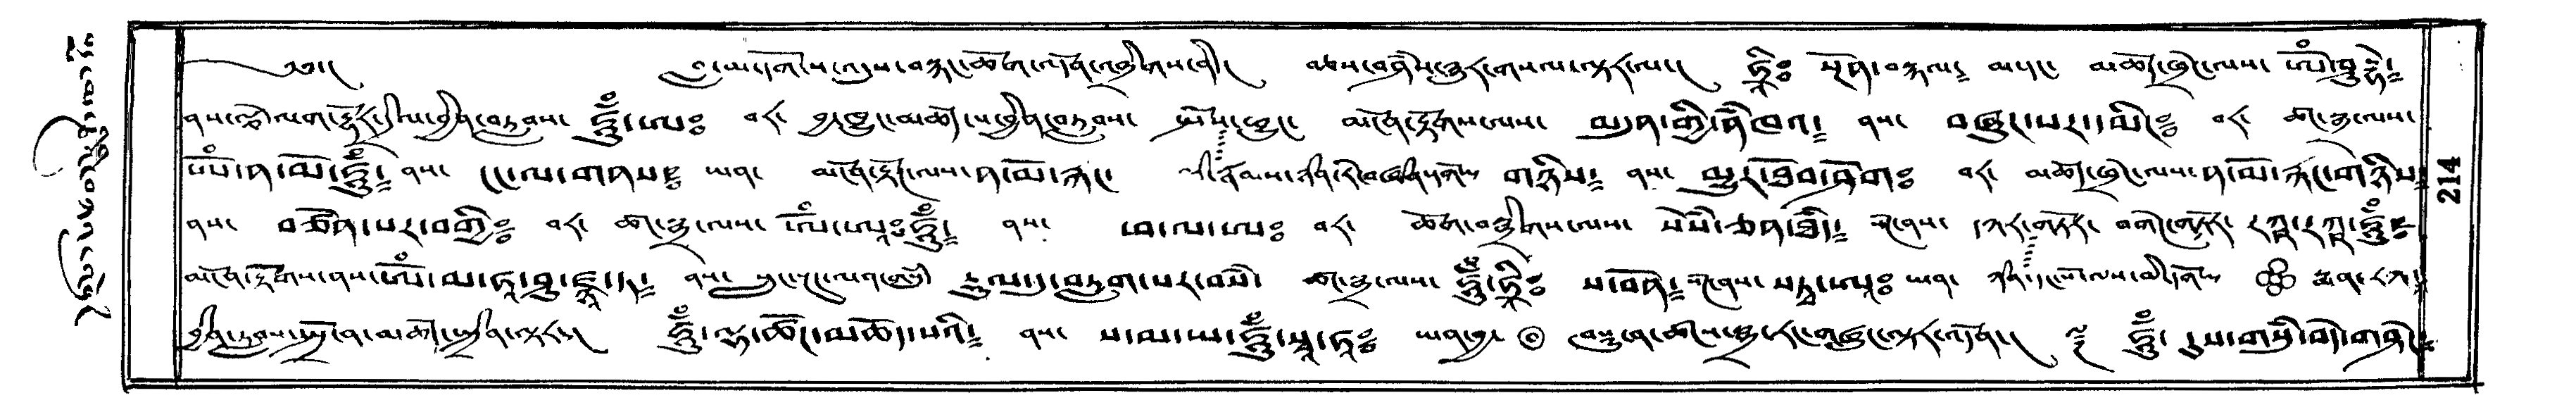༄༅། བླ་མ་དགོངས་འདུས་བསྐང་མཆོག་འདོན་འགྲིགས་ནི། བཅའ་ཤོམ་ཟུར་གསལ་ལྟར་ལ། ཧྲཱིཿ སྔོན་བསྐལ༴ མ་དང་། མཆོད་ཕྲེང་ལས། ཨོཾ་ཤུདྡྷེ༴ 
ནས་ལྕེ་ལག་རྡོར་དྲིལ་བྱིན་བརླབ། ཧཱུྃ་ཨཱཿ བར། བྱ་ཁྱུང་མཆོད་པ་བྱིན་རླབས། སྤོས་ཕྱུང། མངོན་རྟོགས་ལས། མདུན་གྱི་ནམ་མཁའ༴ ནས། བཞུགས་པར་དམིགས༔ བར། ཚངས་སྒྲ་ལས། 
ཨོཾ་ན་མོ་ཧཱུྃ༔ ནས། ངང་ལ་ནས༔ མངོན་རྟོགས་ལས་ན་མོ༔རྐང་གཉིས༴ ནས། མྱུར་ཐོབ་ཤོག༔ བར། མཆོད་ཕྲེང་ལས། ན་མོ༔རྐང་གཉིས༴ 
ནས། བཙོན་པར་གྱི༔ བར། ཚངས་སྒྲ་ལས། ཨོཾ་ཨཱཿཧཱུྃ༔ ནས། ཕ་ལ་ཨཱཿ བར། ཆོག་སྒྲིགས་ལས། སེམས་ཅན་ཐམས་ཅད༴ སོགས་ནས། དཀར་གཏོར། བགེགས་གཏོར། རཀྵ་རཀྵ་ཧཱུྃ༔ 
མངོན་རྟོགས་ནས། ཨོཾ་མ་ཧཱ་ཤུ་ཛྙཱ་ཏ༴ ནས། སྲུང་སྔགས་ལན་གསུམ། རྡུལ་དུ་རློག་པར་བསམ༔ ཚངས་སྒྲ་ལས ། ཧཱུྃ་ཧྲཱི༔ ས་བོན༴ སོགས་ནས། སཏྭ་ཨཱཿ ཡན། སྨན་རཀ་
བྱིན་རླབས་སྤྲོ་ན་མཆོད་སྤྲིན་ལྟར། ཧཱུྃ༔ལྷ་ཚོགས་མཆོད་པའི༴ ནས། ས་མ་ཡ་ཧཱུྃ་སྭ་ཧཱ༔ ཡན་བྱ། བསྡུ་ན་ཚངས་སྒྲ་རང་གཞུང་ལྟར་འདོན། ཧཱུྃ༔ དུས་གསུམ་བདེ་གཤེགས་